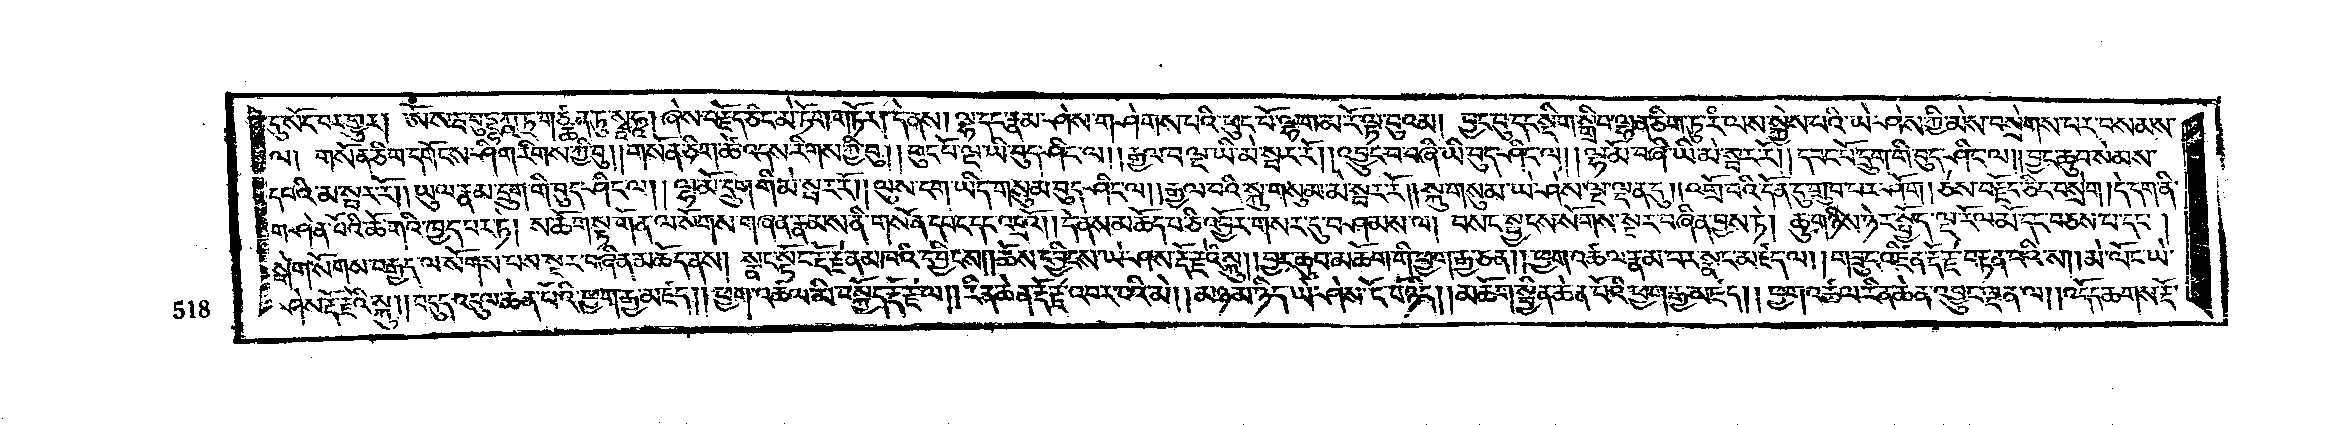དུ་སོང་བར་གྱུར། ཨོཾ་སརྦ་བུདྡྷ་ཀྵི་ཏྲ་གཙྪན་ཏུ་སྭཱཧཱ། ཞེས་བརྗོད་ཅིང་མེ་ཏོག་གཏོར། དེ་ནས། ལྷ་དང་རྣམ་ཤེས་གཤེགས་པའི་ཕུང་པོ་ལྷག་མ་རོ་ལྟ་བུའམ། བྱང་བུ་དང་སྡིག་སྒྲིབ་ལྷན་ཅིག་ཏུ་རཾ་ལས་སྐྱེས་པའི་ཡེ་ཤེས་ཀྱི་མེས་བསྲེགས་པར་བསམས་
ལ། གསོན་ཅིག་དགོངས་ཤིག་རིགས་ཀྱི་བུ། །གསོན་ཅིག་ཚེ་འདས་རིགས་ཀྱི་བུ། །ཕུང་པོ་ལྔ་ཡི་བུད་ཤིང་ལ། །རྒྱལ་བ་ལྔ་ཡི་མེ་སྦར་རོ། །འབྱུང་བ་བཞི་ཡི་བུད་ཤིང་ལ། །ལྷ་མོ་བཞི་ཡི་མེ་སྦར་རོ། །དབང་པོ་དྲུག་གི་བུད་ཤིང་ལ། །བྱང་ཆུབ་སེམས་
དཔའི་མ་སྦར་རོ། །ཡུལ་རྣམ་དྲུག་གི་བུད་ཤིང་ལ། །ལྷ་མོ་དྲུག་གི་མེ་སྦར་རོ། །ལུས་ངག་ཡིད་གསུམ་བུད་ཤིང་ལ། །རྒྱལ་བའི་སྐུ་གསུམ་མེ་སྦར་རོ། །སྐུ་གསུམ་ཡེ་ཤེས་ལྔ་ལྡན་དུ། །འགྲོ་བའི་དོན་དུ་གྲུབ་པར་ཤོག །ཅེས་བརྗོད་ཅིང་བསྲེག །དེ་དག་ནི་
གཤིན་པོའི་ཆོ་གའི་ཁྱད་པར་ཏེ། ས་ཆོག་སྟ་གོན་ལ་སོགས་གཞན་རྣམས་ནི་གསོན་དབང་དང་འདྲའོ། །དེ་ནས་མཆོད་པ་ཅི་འབྱོར་གསར་དུ་བཤམས་ལ། བསང་སྦྱངས་སོགས་སྔར་བཞིན་བྱས་ཏེ། ཆུ་གཉིས་ཉེར་སྤྱོད་ལྔ་རོལ་མོ་དང་བཅས་པ་དང་།
སྒེག་སོགས་བརྒྱད་ལ་སོགས་པས་སྔར་བཞིན་མཆོད་ནས། སྣང་སྟོང་རྡོ་རྗེ་ནམ་མཁའི་དབྱིངས། །ཆོས་དབྱིངས་ཡེ་ཤེས་རྡོ་རྗེའི་སྐུ། །བྱང་ཆུབ་མཆོག་གི་ཕྱག་རྒྱ་ཅན། །ཕྱག་འཚལ་རྣམ་པར་སྣང་མཛད་ལ། །གཟུང་འཛིན་རྡོ་རྗེ་བརྟན་པའི་ས། །མེ་ལོང་ཡེ་
ཤེས་རྡོ་རྗེའི་སྐུ། །བདུད་འདུལ་ཆེན་པོའི་ཕྱག་རྒྱ་མཛད། །ཕྱག་འཚལ་མི་བསྐྱོད་རྡོ་རྗེ་ལ། །རིན་ཆེན་རྡོ་རྗེ་འབར་བའི་མེ། །མཉམ་ཉིད་ཡེ་ཤེས་ངོ་བོ་ཉིད། །མཆོག་སྦྱིན་ཆེན་པོའི་ཕྱག་རྒྱ་མཛད། །ཕྱག་འཚལ་རིན་ཆེན་འབྱུང་ལྡན་ལ། །འདོད་ཆགས་རྡོ་